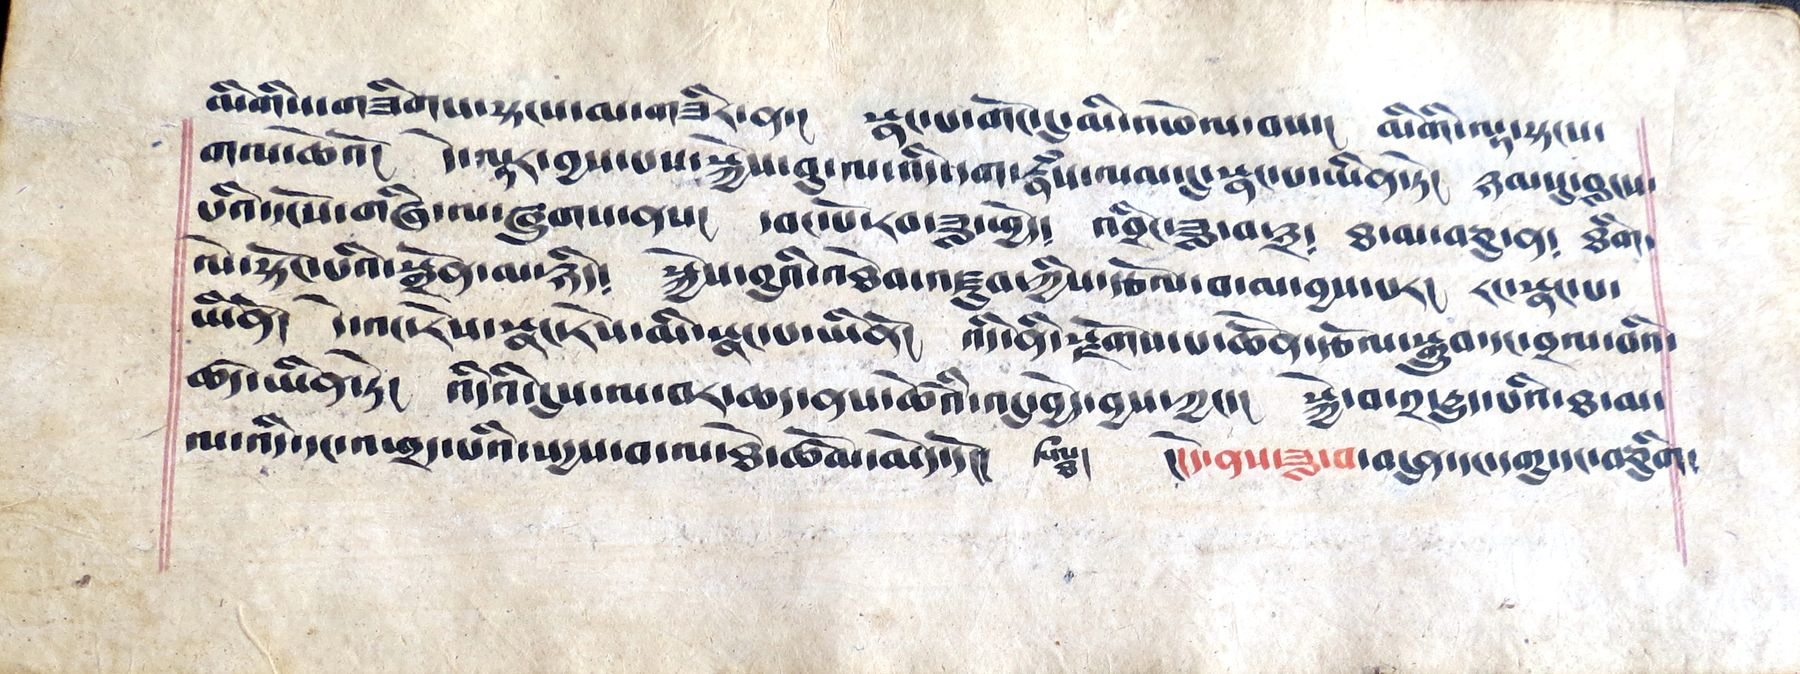མིག་གི་གཟིགས་སྟངས་མ་གཟིར་ན། སྣང་བ་གོང་དུ་མི་འཕེལ་བས། མིག་གི་ལྟ་སྟངས་
གལ་ཆེའོ། །དེ་ལྟར་བྱས་པའི་སྐྱེས་བུ་ལ། འདི་དག་རྣམས་ལམ་དུ་སྣང་བ་ཡིན་ཏེ། ཉམས་སུ་བླངས་
པའི་དངོས་གཞི་ལ་ཞུགས་ནས། དབང་པོ་རབ་ཟླ་བ་ཕྱེད། འབྲིང་ཟླ་བ་གསུམ། ཐ་མ་ཟླ་བ་བཅུ་ན། ཐིག་
ལེ་སྟོང་པའི་སྒྲོན་མ་ཉིད། སྐྱེས་བུའི་མཐེབ་མཛུབ་ཀྱིས་རྩོལ་བས་མ་བྱས་པར། རང་སྣང་བ་
ཡིན་ནོ། །དེ་ཡང་རེས་སྣང་རེས་མི་སྣང་བ་ཡིན་ནོ། དེ་ནི་རྫོགས་པ་ཆེན་པོ་རྩོལ་སྒྲུབ་དང་བྲལ་བའི་
ཚད་ཡིན་ཏེ། འདིའི་དུས་ལ་བར་ཆད་ནས་ཚེའི་དུས་བྱས་ཀྱང་། སྐྱེ་བ་གཉིས་བརྒྱུད་པའི་ཐ་མ་
ལ་འདི་དང་འཕྲད་ནས་སངས་རྒྱས་པ་ལ་ཐེ་ཚོམ་མེད་དོ། །ཨྠི། དེ་ནས་ཟླ་བ་བདུན་དང་དགུ་དང་བཅུ་གཅིག་